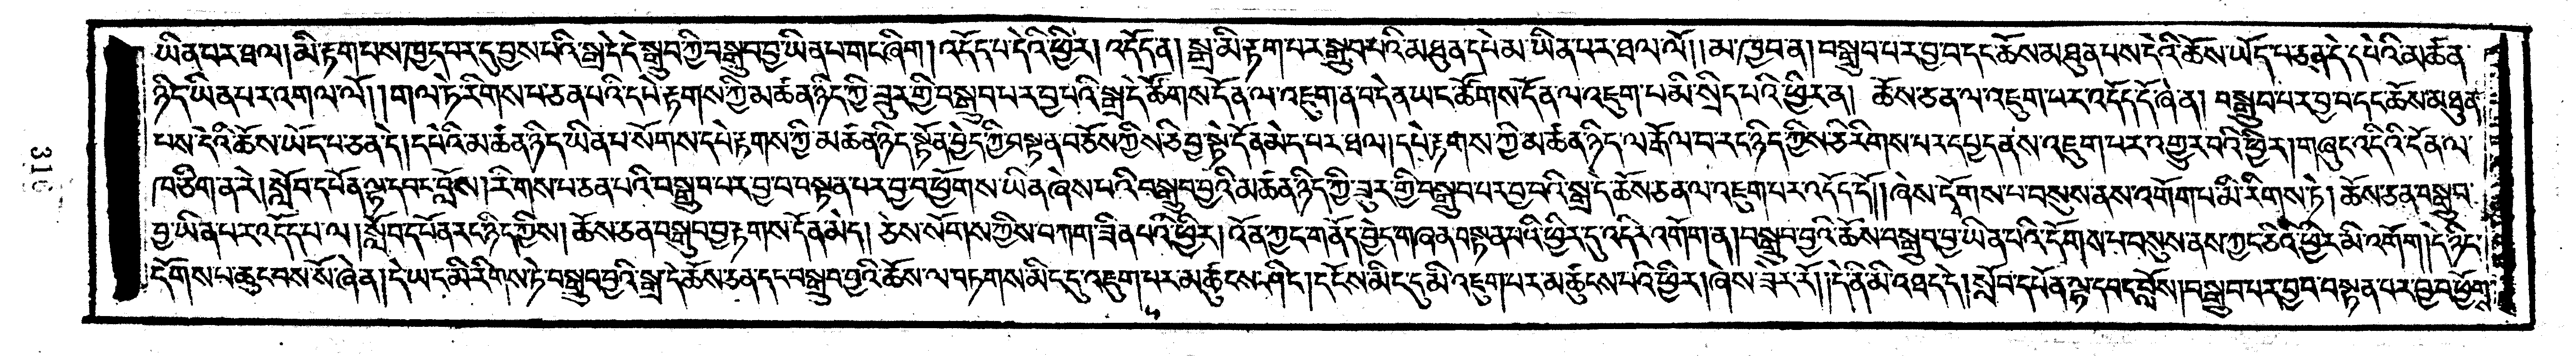ཡིན་པར་ཐལ། མི་རྟག་པས་ཁྱད་པར་དུ་བྱས་པའི་སྒྲ་དེ་དེ་སྒྲུབ་ཀྱི་བསྒྲུབ་བྱ་ཡིན་པ་གང་ཞིག །འདོད་པ་དེའི་ཕྱིར། འདོད་ན། སྒྲ་མི་རྟག་པར་སྒྲུབ་པའི་མཐུན་དཔེ་མ་ཡིན་པར་ཐལ་ལོ། །མ་ཁྱབ་ན། བསྒྲུབ་པར་བྱ་བ་དང་ཆོས་མཐུན་པས་དེའི་ཆོས་ཡོད་པ་ཅན་དེ་དཔེའི་མཚན་
ཉིད་ཡིན་པར་འགལ་ལོ། །གལ་ཏེ་རིགས་པ་ཅན་པའི་དཔེ་རྟགས་ཀྱི་མཚན་ཉིད་ཀྱི་ཟུར་གྱི་བསྒྲུབ་པར་བྱ་བའི་སྒྲ་དེ་ཚོགས་དོན་ལ་འཇུག་ན་བདེན་ཡང་ཚོགས་དོན་ལ་འཇུག་པ་མི་སྲིད་པའི་ཕྱིར་རོ། ཆོས་ཅན་ལ་འཇུག་པར་འདོད་དོ་ཞེ་ན། བསྒྲུབ་པར་བྱ་བ་དང་ཆོས་མཐུན་
པས་དེའི་ཆོས་ཡོད་པ་ཅན་དེ། དཔེའི་མཚན་ཉིད་ཡིན་པ་སོགས་དཔེ་རྟགས་ཀྱི་མཚན་ཉིད་སྟོན་བྱེད་ཀྱི་བསྟན་བཅོས་ཀྱིས་ཅི་བྱ་སྟེ་དོན་མེད་པར་ཐལ། དཔེ་རྟགས་ཀྱི་མཚན་ཉིད་ལ་རྒོལ་བ་རང་ཉིད་ཀྱིས་ཅི་རིགས་པར་དཔྱད་ནས་འཇུག་པར་འགྱུར་བའི་ཕྱིར། གཞུང་འདིའི་དོན་ལ་
ཁ་ཅིག་ན་རེ། སློབ་དཔོན་ལྷ་དབང་བློས། རིགས་པ་ཅན་པའི་བསྒྲུབ་པར་བྱ་བ་བསྟན་པར་བྱ་བ་ཕྱོགས་ཡིན་ཞེས་པའི་བསྒྲུབ་བྱའི་མཚན་ཉིད་ཀྱི་ཟུར་གྱི་བསྒྲུབ་པར་བྱ་བའི་སྒྲ་དེ་ཆོས་ཅན་ལ་འཇུག་པར་འདོད་དོ། །ཞེས་དྭོགས་པ་བསུས་ནས་འགོག་པ་མི་རིགས་ཏེ། ཆོས་ཅན་བསྒྲུབ་
བྱ་ཡིན་པར་འདོད་པ་ལ། སློབ་དཔོན་རང་ཉིད་ཀྱིས། ཆོས་ཅན་བསྒྲུབ་བྱ་རྟགས་དོན་མེད། ཅེས་སོགས་ཀྱིས་བཀག་ཟིན་པའི་ཕྱིར། འོན་ཀྱང་གནོད་བྱེད་གཞན་བསྟན་པའི་ཕྱིར་དུ་འདིར་འགོག་ན། བསྒྲུབ་བྱའི་ཆོས་བསྒྲུབ་བྱ་ཡིན་པའི་དྭོགས་པ་བསུས་ནས་ཀྱང་ཅིའི་ཕྱིར་མི་འགོག །དེ་ཉིད་
དྭོགས་པ་ཆང་བས་སོ་ཞེ་ན། དེ་ཡང་མི་རིགས་ཏེ་བསྒྲུབ་བྱའི་སྒྲ་དེ་ཆོས་ཅན་དང་བསྒྲུབ་བྱའི་ཆོས་ལ་བཏགས་མིང་དུ་འཇུག་པར་མཚུངས་ཤིང་། དངོས་མིང་དུ་མི་འཇུག་པར་མཚུངས་པའི་ཕྱིར། ཞེས་ཟེར་རོ། །དེ་ནི་མི་འཐད་དེ། སློབ་དཔོན་ལྷ་དབང་བློས། བསྒྲུབ་པར་བྱ་བ་བསྟན་པར་བྱ་བ་ཕྱོགས་